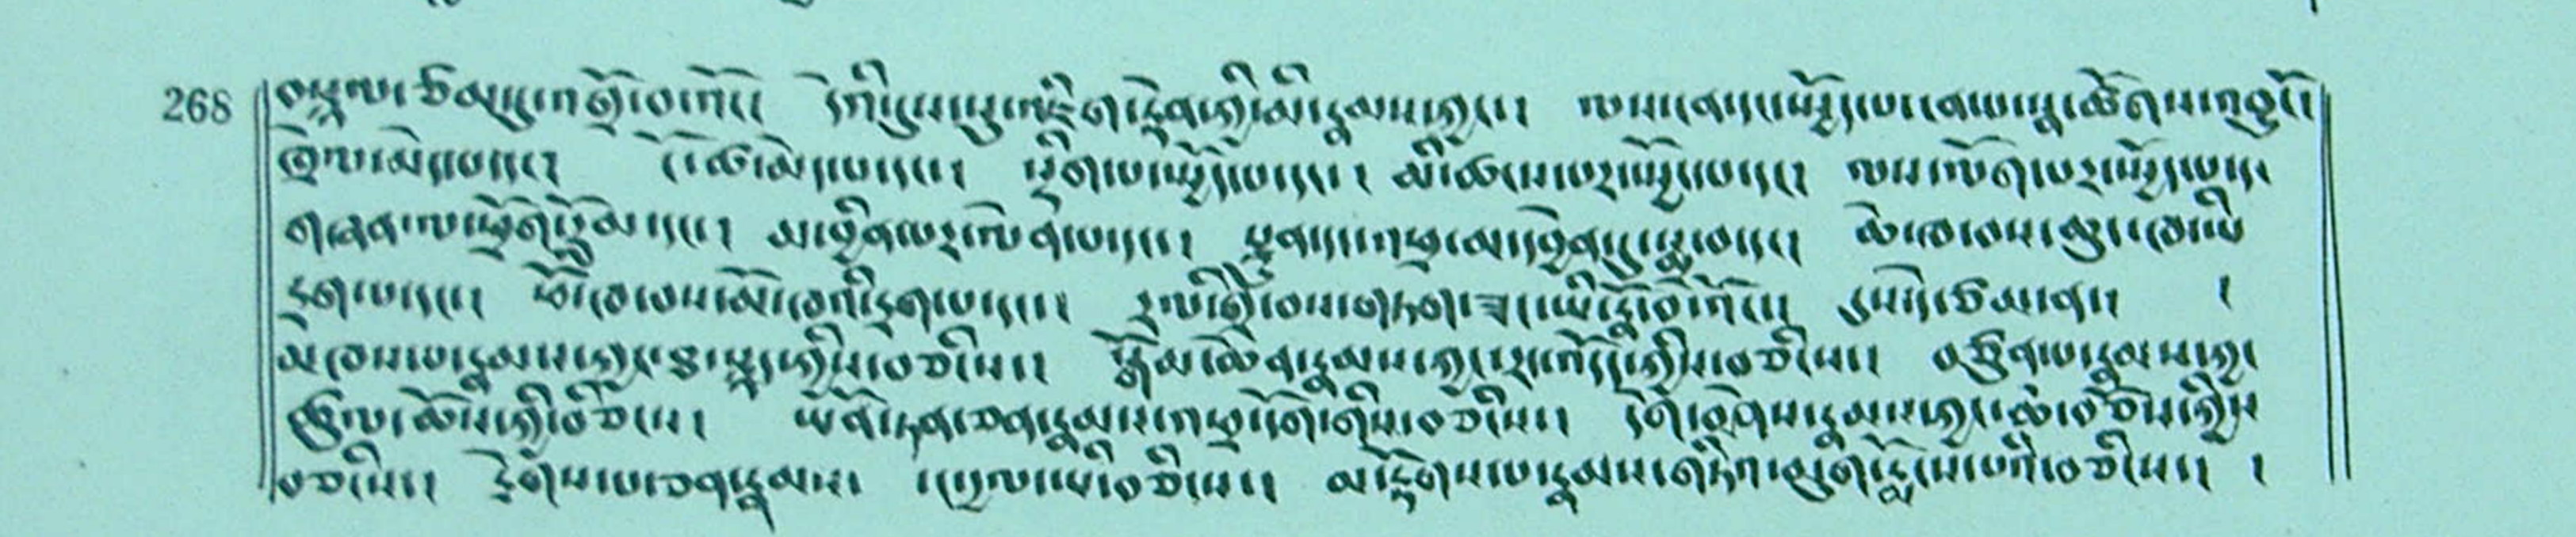བསྙལ་ཙམ་དུ་འགྲོ་བ་འོང་། དེའི་དུས་སུ་འཇིག་རྟེན་གྱི་མི་རྣམས་ཀྱང་། ལས་ངན་དང་སྤྱོད་པ་ངན་པ་སྣ་ཚོགས་འབྱུང་ངོ་། །
ཁྲེལ་མེད་པ་དང་། ངོ་ཚ་མེད་པ་དང་། སྡིག་པ་སྤྱོད་པ་དང་། མི་ཚངས་སྤྱོད་པ་དང་། ལས་སྤྱོད་ལོག་པར་སྤྱོད་པ་དང་། 
གཞན་ལ་ཕྲོག་རློམ་དང་། མ་བྱིན་པར་ལེན་པ་དང་། རྫུན་དང་ཕྲ་མ་དབྱེན་དུ་སྨྲ་བ་དང་། ཆེ་ཁ་བས་ཆུང་ཁ་
དྲག་པ་དང་། ཕོ་ཁ་བས་ཀྱང་མོ་ཁའི་དྲག་པ་དང་། རལ་གྲི་བས་གཏག་བཟང་གིས་རྣོ་བ་འོང་། དུས་དེ་ཙམ་ན། 
མཁས་པ་རྣམས་ཀྱང་ཐ་སྙད་ཚིག་གིས་བཅིངས། སྒོམ་ཆེན་རྣམས་ཀྱང་རང་འདོད་ཀྱིས་བཅིངས། བཙུན་པ་རྣམས་ཀྱང་
ཚུལ་འཆོས་ཐབས་ཀྱིས་བཅིངས། ཡོན་ཏན་ཅན་རྣམས་ཕྲག་དོག་གིས་བཅིངས། དགེ་བཤེས་རྣམས་ཀྱང་ཆེ་བཅོས་ཀྱི་
བཅིངས། དྲེགས་པ་ཅན་རྣམས་ང་རྒྱལ་གྱི་བཅིངས། མ་རྟོགས་པ་རྣམས་གཏིའ་མུག་གམ་རྨོངས་པའི་བཅིངས།